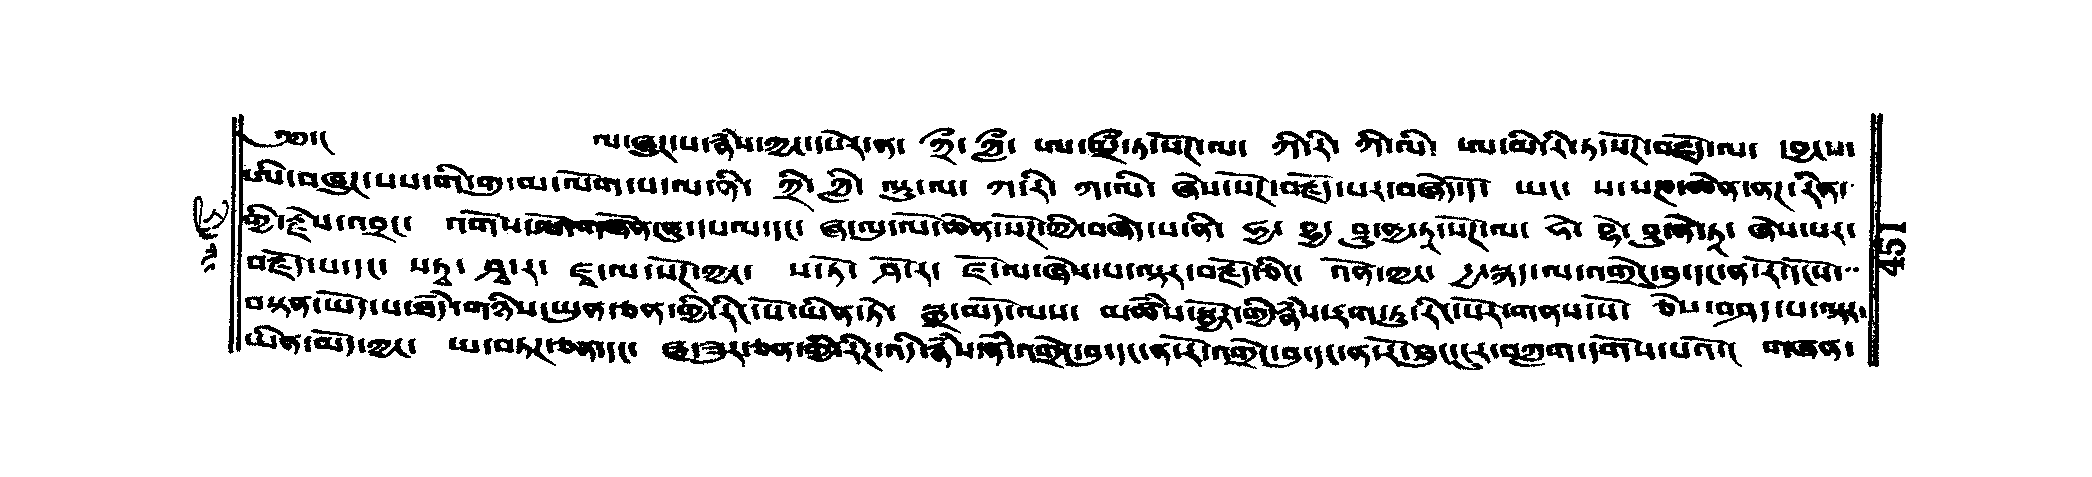ལ་ཞུགས་པ་རྣམས་ཀྱང་དཔེར་ན། ཀྲྀ། ཀླྀ། ཨ་མྲྀ་ཏ་སོགས་ལ། ཀི་རི། ཀི་ལི། ཨ་མི་རི་ཏ་སོགས་བརྗོད་ལ། དབྱངས་
ཨི་བཞུགས་པས་གི་གུ་མ་ལོག་པ་ལ་ནི།ཀྲི། ཀླི། ལྟ་བུ་ལ། ཀ་རི། ཀ་ལི། ཞེས་སོགས་བརྗོད་པར་བཞེད་དོ། ཡང་། པཎ་ཆེན་ནགས་རིན་
གྱི་རྗེས་འབྲང་། འགོས་ལོ་གཞོན་ནུ་དཔལ་དང་། ཞ་ལུ་ལོ་ཆེན་སོགས་ཀྱི་བཞེད་པ་ནི། ཧྱ། བྷྱ། ཤུ་ནྱ་ཏཱ་སོགས་ལ། ཧེ། བྷེ། ཤུ་ནེ་ཏཱ། ཞེས་པར་
བརྗོད་པ་དང་། ས་ཏྭ། ཤྭ་ར། ཛྭ་ལ་སོགས་ཀྱང་། ས་ཏོ། ཤོ་ར། ཛོ་ལ་ཞེས་པ་ལྟར་བརྗོད་ཅིང་། འོན་ཀྱང་། རྒྱ་སྐད་ལ་འགྲེང་བུ་དང་ན་རོ་དངོས་
བསྟན་ཡོད་པ་ཐམས་ཅད་གཉིས་ཡུན་ཅན་གྱི་རིང་པོ་ཡིན་ཏེ། སྒྲ་མདོ་ལས། མཚམས་སྦྱོར་གྱི་སྒྲ་རྣམས་རྟག་ཏུ་རིང་པོར་གནས་སོ། ཞེས་བཤད་པ་ལྟར་
ཡིན་མོད་ཀྱང་། ཡ་བཏགས་ཅན་དང་། ཝ་ཟུར་ཅན་གྱི་རིགས་འདི་རྣམས་ནི་འགྲེང་བུ་དང་ན་རོ་ཐུང་ངུར་བཀླག་དགོས་པའོ། གཞན་